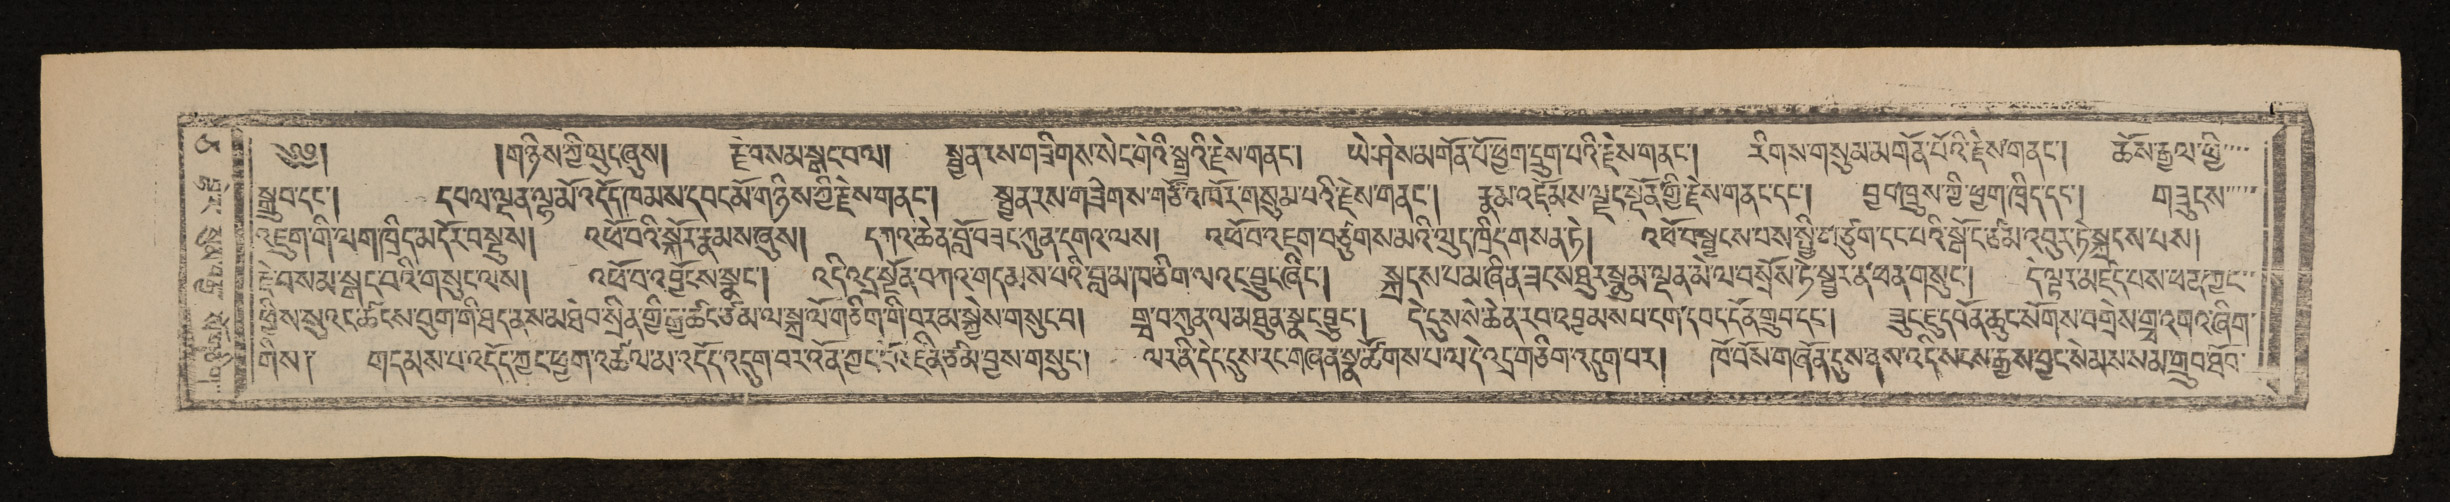༄༅། །གཉིས་ཀྱི་ལུང་ཞུས། རྗེ་བསམ་སྒང་པ་ལ། སྤྱན་རས་གཟིགས་སེང་གེའི་སྒྲའི་རྗེས་གནང་། ཡེ་ཤེས་མགོན་པོ་ཕྱག་དྲུག་པའི་རྗེས་གནང་། རིགས་གསུམ་མགོན་པོའི་རྗེས་གནང་། ཆོས་རྒྱལ་ཕྱི་
སྒྲུབ་དང་། དཔལ་ལྡན་ལྷ་མོ་འདོད་ཁམས་དབང་མོ་གཉིས་ཀྱི་རྗེས་གནང་། སྤྱན་རས་གཟིགས་གཙོ་འཁོར་གསུམ་པའི་རྗེས་གནང་། རྣམ་འཇོམས་ལྗང་སྔོན་གྱི་རྗེས་གནང་དང་། བྱ་བ་ཁྲུས་ཀྱི་ཕྱག་ཁྲིད་དང་། གཟུངས་
འཇུག་གི་ལག་ཁྲིད་མདོར་བསྡུས། འཕོ་བའི་སྐོར་རྣམས་ཞུས། དཀའ་ཆེན་བློ་བཟང་ཀུན་དགའ་ལས། འཕོ་བ་འཇག་བཙུགས་མའི་ལུང་ཁྲིད་གསན་ཏེ། འཕོ་བ་སྦྱངས་པས་སྤྱི་གཙུག་དང་པའི་སྒོང་ཙམ་འབུར་ཏེ་སྐྲངས་པས།
རྗེ་བསམ་སྒང་པའི་གསུང་ལས། འཕོ་བ་འབྱོངས་སྣང་། འདི་འདྲ་སྔོན་བཀའ་གདམས་པའི་བླ་མ་ཁ་ཅིག་ལའང་བྱུང་ཞིང་། སྐྲངས་པ་མ་ཞིན་ཟངས་ཐུར་སྣུམ་ལྡན་མེ་ལ་བསྲོས་ཏེ་སྦྱར་ན་ཕན་གསུང་། དེ་ལྟར་མཛད་པས་ཕན་ཀྱང་
ཕྱིས་སུའང་ཚངས་བུག་གི་ཐད་ནས་མཐེབ་སྲིན་གྱི་རྒྱ་ཚད་ཙམ་ལ་སྐྲ་ལོ་གཅིག་གི་བར་མ་སྐྱེས་གསུང་བ། གྲྭ་བ་ཀུན་ལ་མཐུན་སྣང་བྱུང་། དེ་དུས་སེ་ཆེན་རབ་འབྱམས་པ་ངག་དབང་དོན་གྲུབ་དང་། ཟུང་ཇུ་དཔོན་ཆུང་སོགས་བགྲེས་གྲྭ་འགའ་ཞིག་
གིས༑ གདམས་པ་འདོད་ཀྱང་ཕྱག་འཚལ་མ་འདོད་འདུག་པར་འོན་ཀྱང་ངོ་འཛིན་ཙམ་བྱས་གསུང་། ལར་ནི་དེང་དུས་རང་གཞན་སྣ་ཚོགས་པ་ལ་དེ་འདྲ་གཅིག་འདུག་པར། ཁོ་བོས་གཞོན་དུས་ནས་འདི་སངས་རྒྱས་བྱང་སེམས་སམ་གྲུབ་ཐོབ་